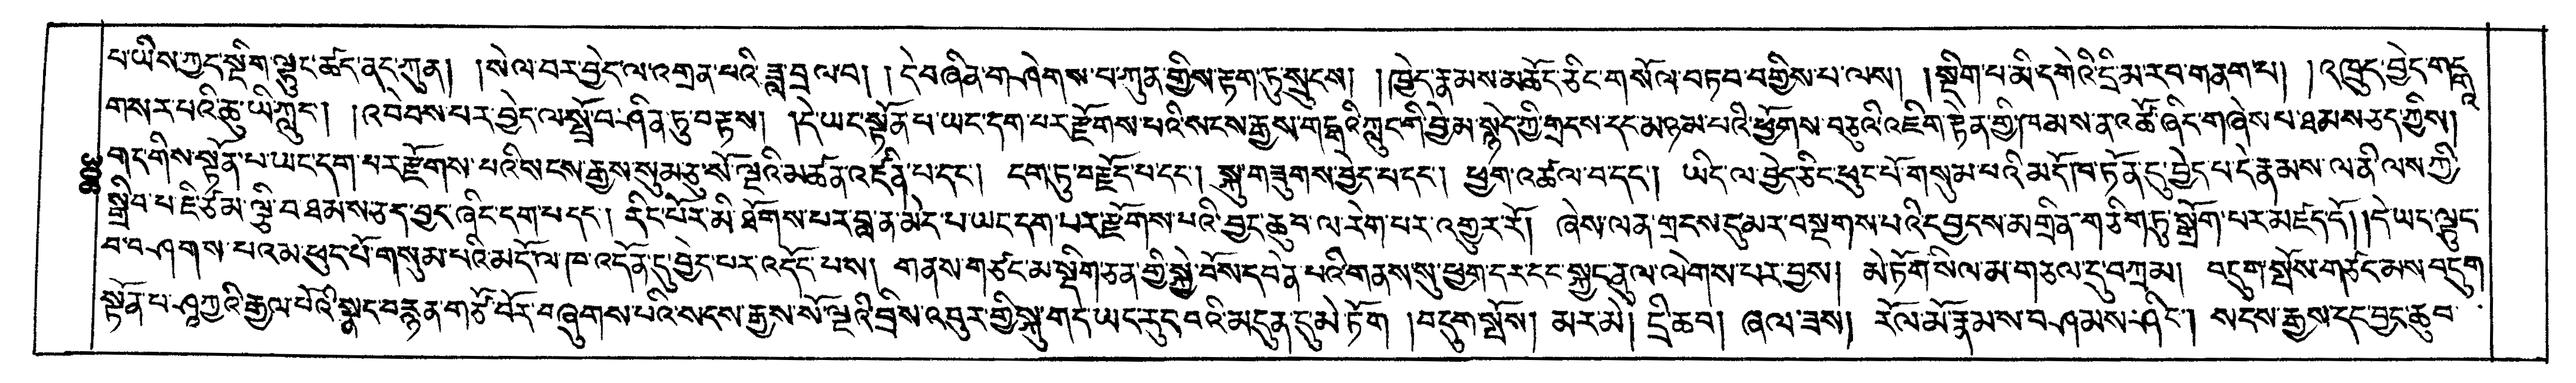པ་ཡིས་ཀྱང་སྡིག་ལྟུང་ཚད་ནད་ཀུན། །སེལ་བར་བྱེད་ལ་འགྲན་པའི་ཟླ་བྲལ་བ། །དེ་བཞིན་གཤེགས་པ་ཀུན་གྱིས་རྟག་ཏུ་སྲུངས། །ཁྱེད་རྣམས་མཆོད་ཅིང་གསོལ་བཏབ་བགྱིས་པ་ལས། །སྡིག་པ་མི་དགེའི་དྲི་མ་རབ་གནག་པ། །འཁྲུང་བྱེད་གངྒཱ་
གསར་པའི་ཆུ་ཡི་ཀླུང་། །འབེབས་པར་བྱེད་ལ་སྤྲོ་བ་ཤིན་ཏུ་བརྟས། །དེ་ཡང་སྟོན་པ་ཡང་དག་པར་རྫོགས་པའི་སངས་རྒྱས་གངྒཱའི་ཀླུང་གི་བྱེ་མ་སྙེད་ཀྱི་གྲངས་དང་མཉམ་པའི་ཕྱོགས་བཅུའི་འཇིག་རྟེན་གྱི་ཁམས་ན་འཚོ་ཞིང་གཞེས་པ་ཐམས་ཅད་ཀྱིས།
གང་གིས་སྟོན་པ་ཡང་དག་པར་རྫོགས་པའི་སངས་རྒྱས་སུམ་ཅུ་སོ་ལྔའི་མཚན་འཛིན་པ་དང་། ངག་ཏུ་བརྗོད་པ་དང་། སྐུ་གཟུགས་བྱེད་པ་དང་། ཕྱག་འཚལ་པ་དང་། ཡིད་ལ་བྱེད་ཅིང་ཕུང་པོ་གསུམ་པའི་མདོ་ཁ་ཏོན་དུ་བྱེད་པ་དེ་རྣམས་ལ་ནི་ལས་ཀྱི་
སྒྲིབ་པ་ཇི་ཙམ་ལྕི་བ་ཐམས་ཅད་བྱང་ཞིང་དག་པ་དང་། རིང་པོར་མི་ཐོགས་པར་བླ་ན་མེད་པ་ཡང་དག་པར་རྫོགས་པའི་བྱང་ཆུབ་ལ་རེག་པར་འགྱུར་རོ། ཞེས་ལན་གྲངས་དུ་མར་བསྔགས་པའི་དབྱངས་མགྲིན་གཅིག་ཏུ་སྒྲོག་པར་མཛད་དོ། །དེ་ཡང་ལྟུང་
བ་བཤགས་པའམ་ཕུང་པོ་གསུམ་པའི་མེད་ལ་ཁ་འདོན་དུ་བྱེད་པར་འདོད་པས། གནས་གཙང་མ་སྡིག་ཅན་གྱི་སྐྱེ་བོས་དབེན་པའི་གནས་སུ་ཕྱག་དར་དང་སྐྱང་ནུལ་ལེགས་པར་བྱས། མེ་ཏོག་སིལ་མ་གཅལ་དུ་བཀྲམ། བདུག་སྦོས་གཙང་མས་བདུག །
སྟོན་པ་ཤཱཀྱའི་རྒྱལ་པོའི་སྣང་བརྙན་གཙོ་བོར་བཞུགས་པའི་སངས་རྒྱས་སོ་ལྔའི་བྲིས་འབུར་གྱི་སྐུ་གང་ཡང་རུང་བའི་མདུན་དུ་མེ་ཏོག །བདུག་སྤོས། མར་མེ། དྲི་ཆབ། ཞལ་ཟས། རོལ་མོ་རྣམས་བཤམས་ཤིང་། སངས་རྒྱས་དང་བྱང་ཆུབ་